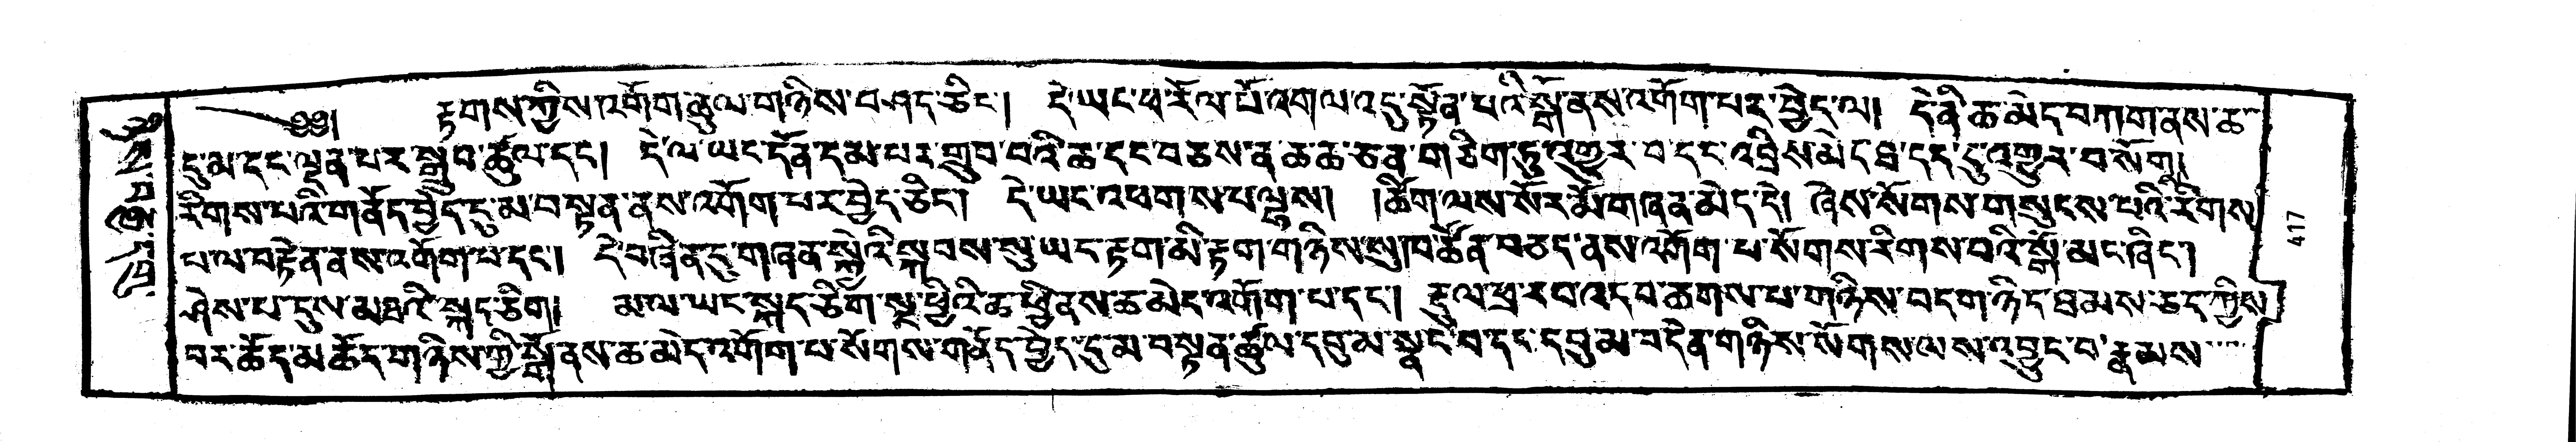༄༅། །རྟགས་ཀྱིས་འགོག་ཚུལ་གཉིས་བཤད་ཅིང་། དེ་ཡང་ཕ་རོལ་པོ་འགལ་འདུ་སྟོན་པའི་སྒོ་ནས་འགོག་པར་བྱེད་ལ། དེ་ནི་ཆ་མེད་བཀག་ནས་ཆ་
དུ་མ་དང་ལྡན་པར་སྒྲུབ་ཚུལ་དང་། དེ་ལ་ཡང་དོན་དམ་པར་གྲུབ་པའི་ཆ་དང་བཅས་ན་ཆ་ཆ་ཅན་གཅིག་ཏུ་འགྱུར་བ་དང་འབྲིས་མེད་ཐ་དད་དུ་འགྱུར་བ་སོགས་།
རིགས་པའི་གནོད་བྱེད་དུ་མ་བསྟན་ནས་འགོག་པར་བྱེད་ཅིང་། དེ་ཡང་འཕགས་པ་ལྷས། །ཚིག་ལས་སོར་མོ་གཞན་མེད་དེ། ཞེས་སོགས་གསུངས་པའི་རིགས་
པ་ལ་བརྟེན་ནས་འགོག་པ་དང་། དེ་བཞིན་དུ་གཞན་སྐྱེའི་སྐབས་སུ་ཡང་རྟག་མི་རྟག་གཉིས་སུ་ཁ་ཚོན་བཅད་ནས་འགོག་པ་སོགས་རིགས་པའི་སྒོ་མང་ཞིང་།
ཤེས་པ་དུས་མཐའི་སྐད་ཅིག །མ་ལ་ཡང་སྐད་ཅིག་སྔ་ཕྱིའི་ཆ་ཕྱི་ནས་ཆ་མེད་འགོག་པ་དང་། རྡུལ་ཕྲ་རབ་འདབ་ཆགས་པ་གཉིས་བདག་ཉིད་ཐམས་ཅད་ཀྱིས་
བར་ཆོད་མཆོད་གཉིས་ཀྱི་སྒོ་ནས་ཆ་མེད་འགོག་པ་སོགས་གནོད་བྱེད་དུ་མ་བསྟན་ཚུལ་དབུ་མ་སྣང་བ་དང་དབུ་མ་བདེན་གཉིས་སོགས་ལས་འབྱུང་བ་རྣམས་